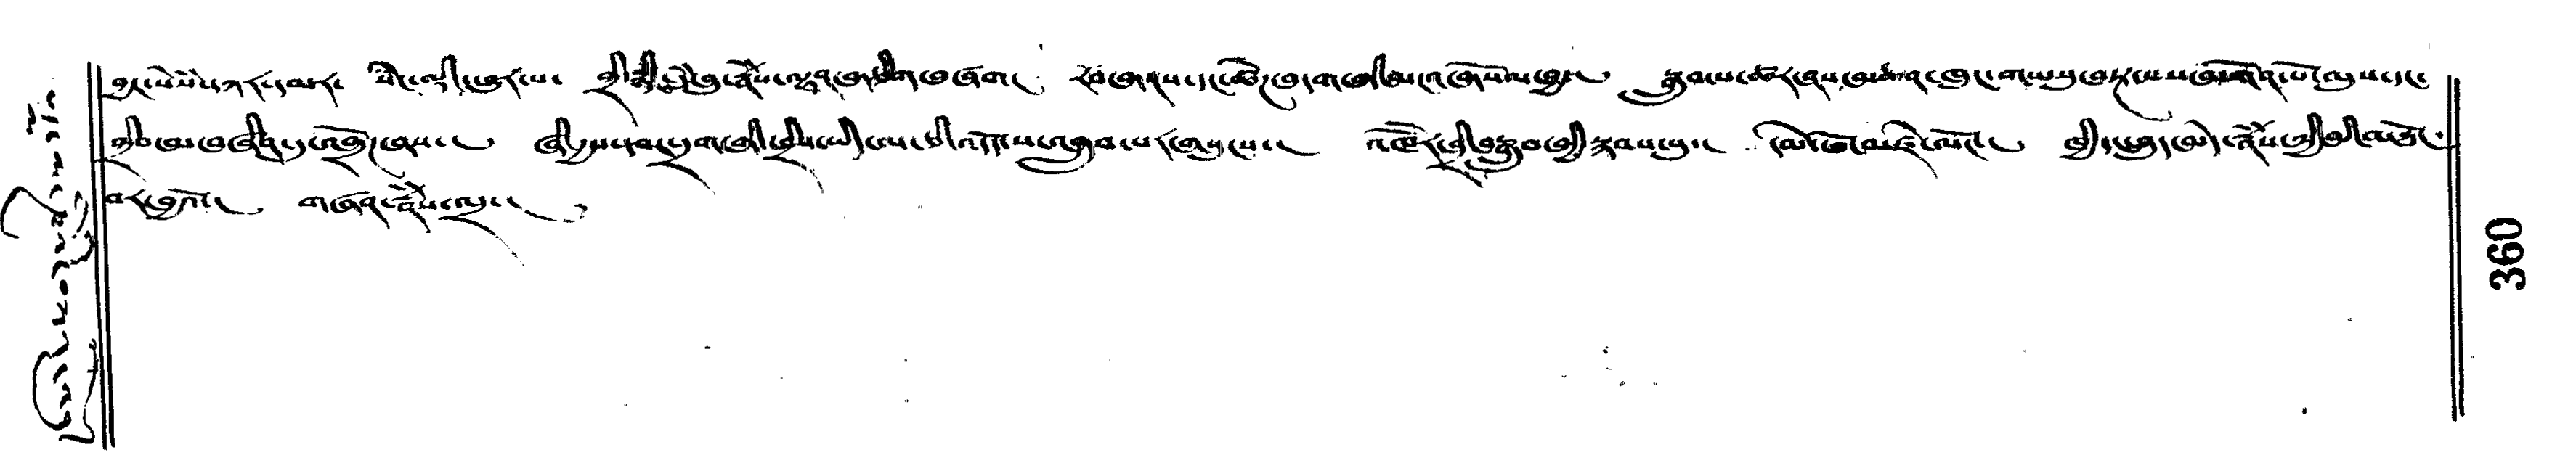བྱང་སེམས་དཀར་དམར། སེང་ལྡེང་ཕུར་པ། གྲི་སྙིང་དུམ་བུ་རྣམས་ལྷན་གཅིག་གཞག རབ་གནས་དང་ཚོགས་བདག་གི་མངའ་གསོལ་བྱ། སྒྲུབ་པ་ཚར་ནས་མཆན་ཁུང་གཡས་སུ་བཏགས་པས་མགོན་པོ་ལུས་དང་
གྲིབ་མ་བཞིན་དུ་འགྲོགས་ནས་ཞི་རྒྱས་དབང་དྲག་གི་ཕྲིན་ལས་ཅི་འདོད་པ་འགྲུབ་པར་གསུངས། འཁོར་ལོ་འབྲི་སྒྲུབ་ཀྱི་སྐབས་སུ། དམེ་ཕོ་མཛེ་ལོང་། ཁྱི་དང་བུད་མེད་རྣམས་ཀྱི་མི་མཐོང་
བར་བྱའོ། གཞན་རྣམས་འདྲ།།